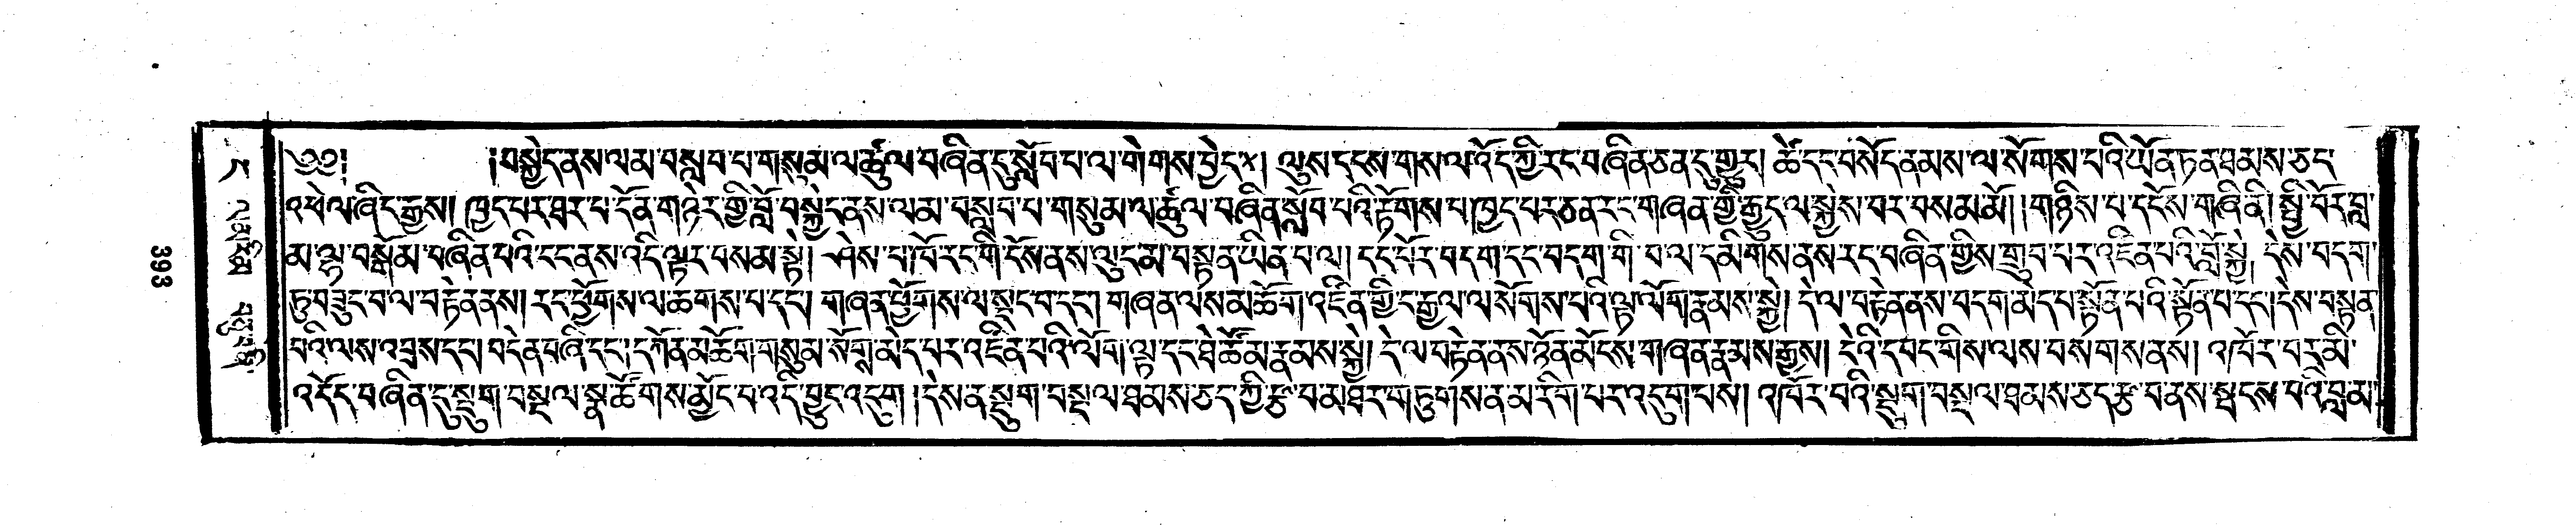༄༅། །བསྐྱེད་ནས་ལམ་བསླབ་པ་གསུམ་ལ་ཚུལ་བཞིན་དུ་སློབ་པ་ལ་གེགས་བྱེད་྾། ལུས་དངས་གསལ་འོད་ཀྱི་རང་བཞིན་ཅན་དུ་གྱུར། ཚེ་དང་བསོད་ནམས་ལ་སོགས་པའི་ཡོན་ཏན་ཐམས་ཅད་
འཕེལ་ཞིང་རྒྱས། ཁྱད་པར་ཐར་པ་དོན་གཉེར་གྱི་བློ་བསྐྱེད་ནས་ལམ་བསླབ་པ་གསུམ་ལ་ཚུལ་བཞིན་སློབ་པའི་རྟོགས་པ་ཁྱད་པར་ཅན་རང་གཞན་གྱི་རྒྱུད་ལ་སྐྱེས་པར་བསམ་མོ། །གཉིས་པ་དངོས་གཞི་ནི། སྤྱི་བོར་བླ་
མ་ལྷ་བསྒོམ་བཞིན་པའི་ངང་ནས་འདི་ལྟར་བསམ་སྟེ། ཤེས་པ་ཁོ་རང་གི་ངོས་ནས་ལུང་མ་བསྟན་ཡིན་པ་ལ། དང་པོར་བདག་དང་བདག་གི་བ་ལ་དམིགས་ནས་རང་བཞིན་གྱིས་གྲུབ་པར་འཛིན་པའི་བློ་སྐྱེ། དེས་བདག་
ཏུ་བཟུང་བ་ལ་བརྟེན་ནས། རང་ཕྱོགས་ལ་ཆགས་པ་དང་། གཞན་ཕྱོགས་ལ་སྡང་བ་དང་། གཞན་ལས་མཆོག་འཛིན་གྱི་ང་རྒྱལ་ལ་སོགས་པའི་ལྟ་ལོག་རྣམས་སྐྱེ། དེ་ལ་བརྟེན་ནས་བདག་མེད་པ་སྟོན་པའི་སྟོན་པ་དང་། དེས་བསྟན་
པའི་ལས་འབྲས་དང་། བདེན་བཞི་དང་། དཀོན་མཆོག་གསུམ་སོགས་མེད་པར་འཛིན་པའི་ལོག་ལྟ་དང་ཐེ་ཚོམ་རྣམས་སྐྱེ། དེ་ལ་བརྟེན་ནས་ཉོན་མོངས་གཞན་རྣམས་རྒྱས། དེའི་དབང་གིས་ལས་བསགས་ནས། འཁོར་བར་མི་
འདོད་བཞིན་དུ་སྡུག་བསྔལ་སྣ་ཚོགས་མྱོང་བ་འདི་བྱུང་འདུག །དེས་ན་སྡུག་བསྔལ་ཐམས་ཅད་ཀྱི་རྩ་བ་མཐར་གཏུགས་ན་མ་རིག་པར་འདུག་པས། འཁོར་བའི་སྡུག་བསྔལ་ཐམས་ཅད་རྩ་བ་ནས་སྤངས་པའི་བླ་མ་